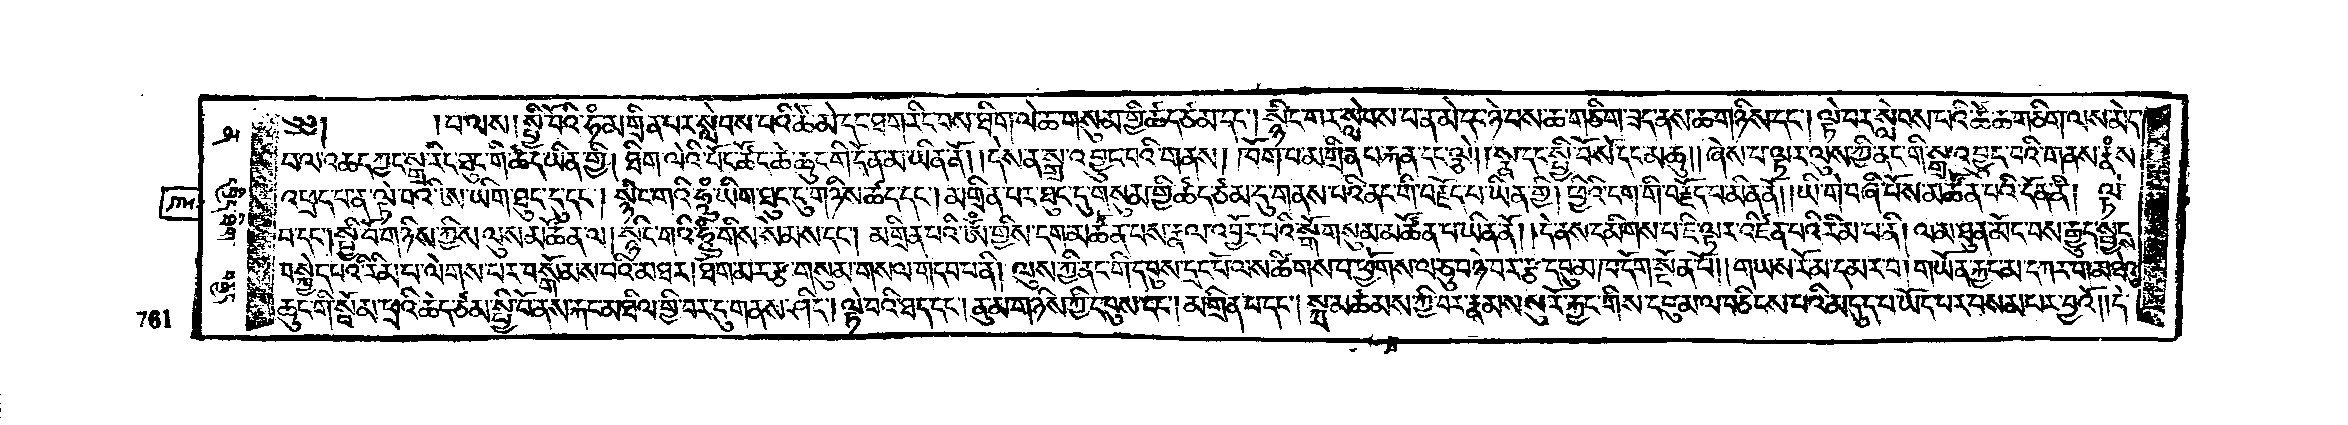༄༅། །པ་ལས། སྤྱི་བོའི་ཧཾ་མགྲིན་པར་སླེབས་པའི་ཚེ་མེ་དང་ཐག་རིང་བས་ཐིག་ལེ་ཆ་གསུམ་གྱི་ཚད་ཙམ་དང་། སྙིང་གར་སླེབས་པ་ན་མེ་དང་ཉེ་བས་ཆ་གཅིག་ཟད་ནས་ཆ་གཉིས་དང་། ལྟེ་བར་སླེབས་པའི་ཚེ་ཆ་གཅིག་ལས་མེད་
པ་ལ་འཆད་ཀྱང་སྒྲ་རིང་ཐུང་གི་ཚད་ཡིན་གྱི། ཐིག་ལེའི་པོང་ཚོད་ཆེ་ཆུང་གི་དོན་མ་ཡིན་ནོ། །དེས་ན་སྒྲ་འབྱུང་བའི་གནས། ཁོག་པ་མགྲིན་པ་རྐན་དང་ལྕེ། །སྣ་དང་སྤྱི་བོ་སོ་དང་མཆུ། །ཞེས་པ་ལྟར་ལུས་ཀྱི་ནང་གི་སྒྲ་འབྱུང་བའི་གནས་རྣམས་
འཕྲད་པ་ན་ལྟེ་བའི་ཨ་ཡིག་ཐུང་དུ་དང་། སྙིང་གའི་ཧཱུཾ་ཡིག་ཐུང་དུ་གཉིས་ཚད་དང་། མགྲིན་པར་ཐུང་དུ་གསུམ་གྱི་ཚད་ཙམ་དུ་གནས་པའི་ནང་གི་བརྗོད་པ་ཡིན་གྱི། ཕྱིའི་ངག་གི་བརྗོད་པ་མིན་ནོ། །ཡི་གེ་བཞི་པོས་མཚོན་པའི་དོན་ནི། ལྟེ་
བ་དང་། སྤྱི་བོ་གཉིས་ཀྱིས་ལུས་མཚོན་ལ། སྙིང་གའི་ཧཱུཾ་གིས་སེམས་དང་། མགྲིན་པའི་ཨོཾ་གྱིས་དག་མཚོན་པས་རྣལ་འབྱོར་པའི་སྒོ་གསུམ་མཚོན་པ་ཡིན་ནོ། །དེ་ནས་དམིགས་པ་ཇི་ལྟར་འཛིན་པའི་རིམ་པ་ནི། ལམ་ཐུན་མོང་བས་རྒྱུད་སྦྱངས་
བསྐྱེད་པའི་རིམ་པ་ལེགས་པར་བསྒོམས་པའི་མཐར། ཐོག་མར་རྩ་གསུམ་གསལ་གདབ་པ་ནི། ལུས་ཀྱི་ནང་གི་དབུས་དྲང་པོ་ལས་ཚིགས་པ་ཕྱོགས་ལ་ཅུང་ཉེ་བར་རྩ་དབུ་མ་ཁ་དོག་སྔོན་པོ། །གཡས་རོ་མ་དམར་བ། གཡོན་རྐྱང་མ་དཀར་བ། མཐེའུ་
ཆུང་གི་སྦོམ་ཕྲའི་ཚད་ཙམ་སྤྱི་བོ་ནས་རྐང་མཐིལ་གྱི་བར་དུ་གནས་ཤིང་། ལྟེ་བའི་ཐད་དང་། ནུ་མ་གཉིས་ཀྱི་དབུས་དང་། མགྲིན་པ་དང་། སྐྲ་མཚམས་ཀྱི་བར་རྣམས་སུ་རོ་རྐྱང་གིས་དབུ་མ་ལ་བཅིངས་པའི་མདུད་པ་ཡོད་པར་བསམ་པར་བྱའོ། །དེ་